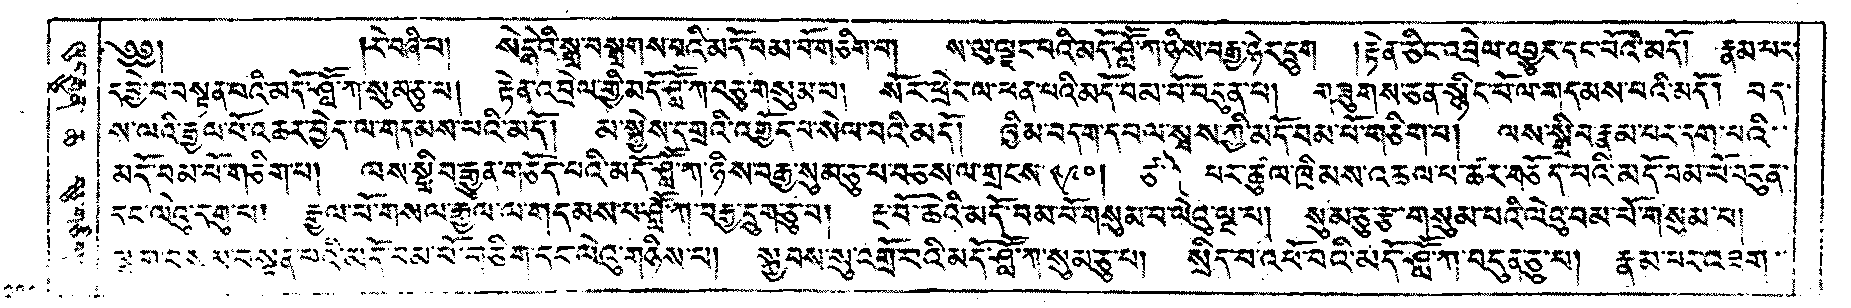༄༅། །རེ་བཞི་པ། སེངྒེའི་སྒྲ་བསྒྲགས་པའི་མདོ་བམ་པོ་གཅིག་པ། ས་ལུ་ལྗང་པའི་མདོ་ཤླཽ་ཀ་ཉིས་བརྒྱ་ཉེར་དྲུག །རྟེན་ཅིང་འབྲེལ་འབྱུང་དང་པོའི་མདོ། རྣམ་པར་
དབྱེ་བ་བསྟན་པའི་མདོ་ཤླཽ་ཀ་སུམ་ཅུ་པ། རྟེན་འབྲེལ་གྱི་མདོ་ཤླཽ་ཀ་བཅུ་གསུམ་པ། སོར་ཕྲེང་ལ་ཕན་པའི་མདོ་བམ་པོ་བདུན་པ། གཟུགས་ཅན་སྙིང་པོ་ལ་གདམས་པའི་མདོ། བད་
ས་ལའི་རྒྱལ་པོ་འཆར་བྱེད་ལ་གདམས་པའི་མདོ། མ་སྐྱེས་དགྲའི་འགྱོད་པ་སེལ་བའི་མདོ། ཁྱིམ་བདག་དཔལ་སྦས་ཀྱི་མདོ་བམ་པོ་གཅིག་པ། ལས་སྒྲིབ་རྣམ་པར་དག་པའི་
མདོ་བམ་པོ་གཅིག་པ། ལས་སྒྲིབ་རྒྱུན་གཅོད་པའི་མདོ་ཤླཽ་ཀ་ཉིས་བརྒྱ་སུམ་ཅུ་པ་བཅས་ལ་གྲངས ༤༩༠། ཙ྄་པར་ཚུལ་ཁྲིམས་འཆལ་པ་ཚར་གཅོད་པའི་མདོ་བམ་པོ་བདུན་
དང་ལེའུ་དགུ་པ། རྒྱལ་པོ་གསལ་རྒྱལ་ལ་གདམས་པ་ཤླཽ་ཀ་བརྒྱ་དྲུག་ཅུ་པ། རྔ་བོ་ཆེའི་མདོ་བམ་པོ་གསུམ་པ་ལེའུ་ལྔ་པ། སུམ་ཅུ་རྩ་གསུམ་པའི་ལེའུ་བམ་པོ་གསུམ་པ།
ལྷག་བསམ་བསྟན་པའི་མདོ་བམ་པོ་གཅིག་དང་ལེའུ་གཉིས་པ། སྐྱབས་སུ་འགྲོ་བའི་མདོ་ཤླཽ་ཀ་སུམ་ཅུ་པ། སྲིད་པ་འཕོ་བའི་མདོ་ཤླཽ་ཀ་བདུན་ཅུ་པ། རྣམ་པར་འཐག་